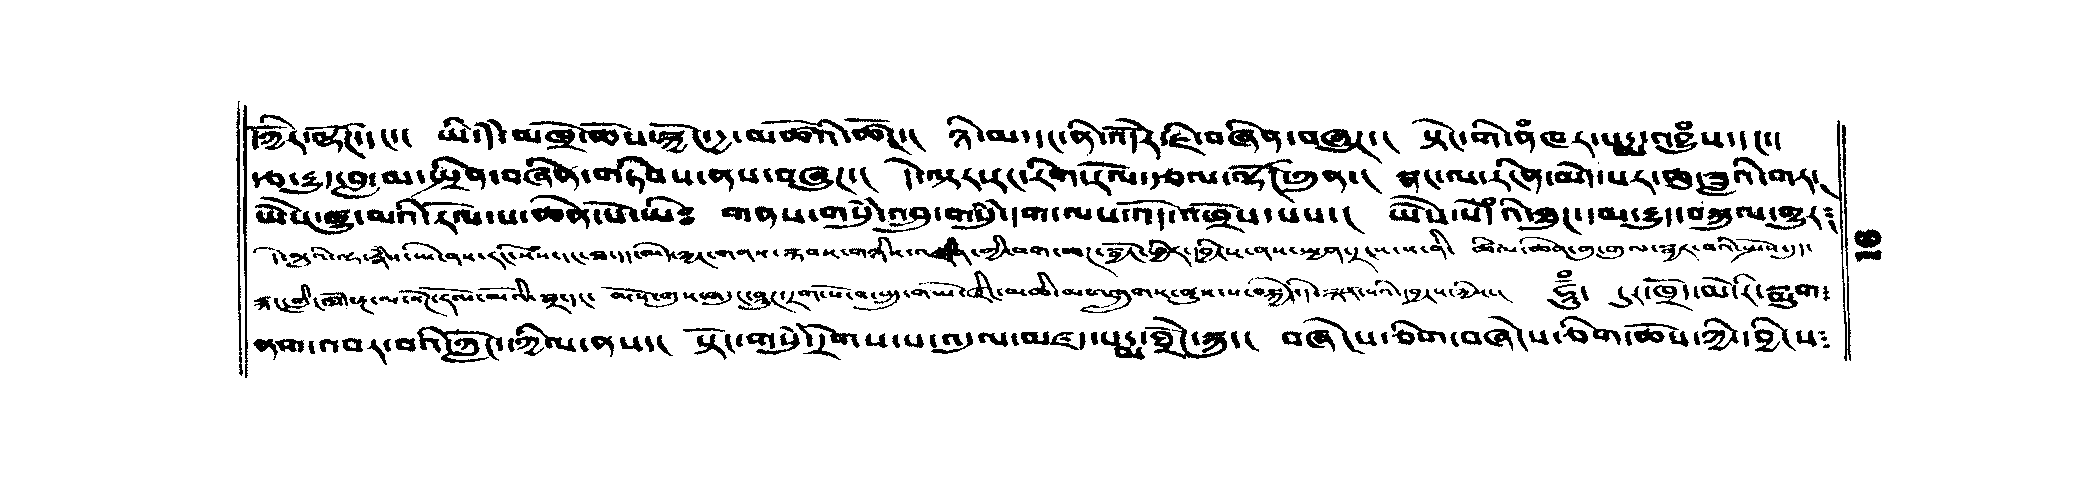དཀྱིལ་འཁོར་ལྷ་ཚོགས་དང་། །ཡི་དམ་མཁའ་འགྲོ་ཆོས་སྐྱོང་རྒྱ་མཚོའི་ཚོགས། །ཉི་མ་དང་ནི་འོད་ཟེར་ཇི་བཞིན་བཞུགས། །སྟེང་གི་ནམ་མཁར་པདྨ་འབྱུང་གནས་དང་། །
རྩ་རྒྱུད་བླ་མ་སྤྲིན་བཞིན་གཏིབས་ནས་བཞུགས། །དེ་ལྟར་རང་རིག་རོལ་རྩལ་ལྷ་ཚོགས་ཀུན། །སྣང་ལ་རང་བཞིན་མེད་པར་ཆུ་ཟླའི་གར། །
ཡེ་ཤེས་སྒྱུ་མ་རོལ་བ་ཆེན་པོ་ཡི། །གནས་གསུམ་འབྲུ་གསུམ་དག་ལས་འོད་འཕྲོས་པས།།ཡེ་ཤེས་སེམས་དཔའི་ཐུགས་དམ་རྒྱུད་བསྐུལ་གྱུར། ། 
དེ་ལྟ་བུའི་ལྷ་རྣམས་ཡེ་ནས་རང་སེམས་དང་ཐ་དད་མེད་ཀྱང་གནས་སྐབས་གཉིས་འཛིན་གྱི་བག་ཆགས་སྦྱོང་ཕྱིར་དབྱིངས་ནས་སྤྱན་དྲངས་པ་ནི། ཚིལ་ཆེན་གུ་གུལ་སྦྱར་བའི་སྤོས་དུད་
རྐང་གླིང་ཐོད་རྔ་སོགས་རོལ་མོའི་སྒྲ་དང་། མོས་གུས་གདུང་ཤུགས་དྲག་པོ་བ་སྤུ་གཡོ་ཞིང་མཆི་མ་འཁྲུགས་ནུས་པ་བསྐྱེད་དེ་སྙན་པའི་དབྱངས་ཀྱིས། ཧཱུྃ། དུར་ཁྲོད་མེ་རི་སྨུག་
ནག་འབར་བའི་ཀློང་དཀྱིལ་ནས། །སྟོང་གསུམ་དྲེགས་པ་འདུལ་མཛད་པདྨ་ཐོད་ཕྲེང་སྐུ། །བཞེངས་ཤིག་བཞེངས་ཤིག་ཆོས་ཀྱི་དབྱིངས་